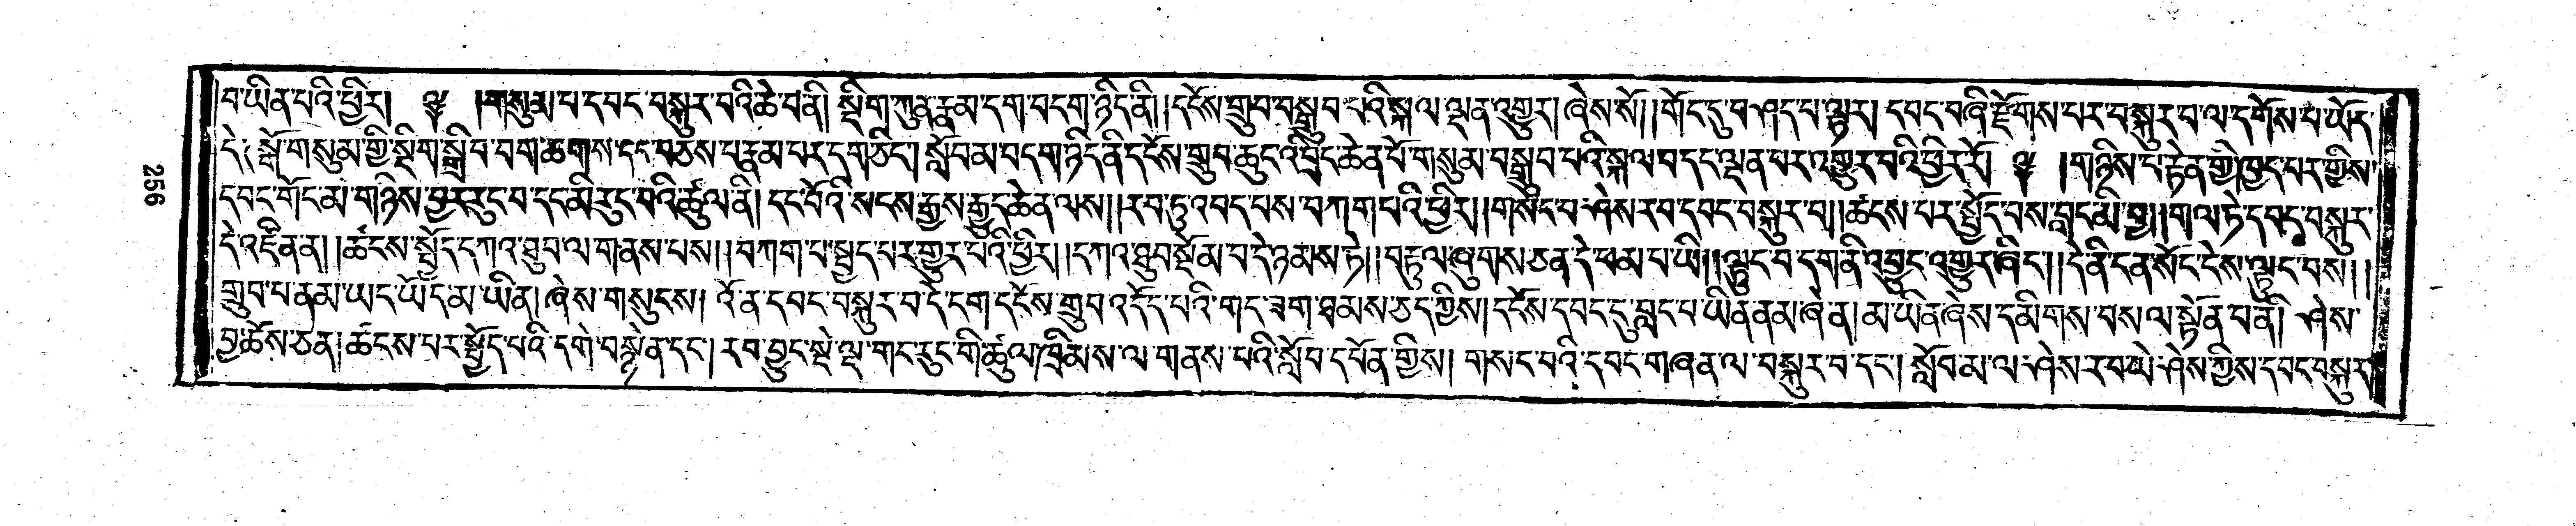བ་ཡིན་པའི་ཕྱིར། ༈ །གསུམ་པ་དབང་བསྐུར་བའི་ཆེ་བ་ནི། སྡིག་ཀུན་རྣམ་དག་བདག་ཉིད་ནི། །དངོས་གྲུབ་བསྒྲུབ་པའི་སྐལ་ལྡན་འགྱུར། ཞེས་སོ། །གོང་དུ་བཤད་པ་ལྟར། དབང་བཞི་རྫོགས་པར་བསྐུར་བ་ལ་དགོས་པ་ཡོད་
དེ༑ སྒོ་གསུམ་གྱི་སྡིག་སྒྲིབ་བག་ཆགས་དང་བཅས་པ་རྣམ་པར་དག་ཅིང་། སློབ་མ་བདག་ཉིད་ནི་དངོས་གྲུབ་ཆུང་འབྲིང་ཆེན་པོ་གསུམ་བསྒྲུབ་པའི་སྐལ་བ་དང་ལྡན་པར་འགྱུར་བའི་ཕྱིར་རོ། ༈ །གཉིས་པ་རྟེན་གྱི་ཁྱད་པར་གྱིས་
དབང་གོང་མ་གཉིས་བྱར་རུང་བ་དང་མི་རུང་བའི་ཚུལ་ནི། དང་པོའི་སངས་རྒྱས་རྒྱུད་ཆེན་ལས། །རབ་ཏུ་འབད་པས་བཀག་པའི་ཕྱིར། །གསང་བ་ཤེས་རབ་དབང་བསྐུར་བ། །ཚངས་པར་སྤྱོད་པས་བླང་མི་བྱ། །གལ་ཏེ་དབང་བསྐུར་
དེ་འཛིན་ན། །ཚངས་སྤྱོད་དཀའ་ཐུབ་ལ་གནས་པས། །བཀག་པ་སྤྱད་པར་གྱུར་པའི་ཕྱིར། །དཀའ་ཐུབ་སྡོམ་པ་དེ་ཉམས་ཏེ། །བརྟུལ་ཞུགས་ཅན་དེ་ཕམ་པ་ཡི། །ལྟུང་བ་དག་ནི་འབྱུང་འགྱུར་ཞིང་། །དེ་ནི་ངན་སོང་ངེས་ལྟུང་བས། །
གྲུབ་པ་ནམ་ཡང་ཡོད་མ་ཡིན། ཞེས་གསུངས། འོ་ན་དབང་བསྐུར་པ་དེ་དག་དངོས་གྲུབ་འདོད་པའི་གང་ཟག་ཐམས་ཅད་ཀྱིས། དངོས་དབང་དུ་བླང་བ་ཡིན་ནམ་ཞེ་ན། མ་ཡིན་ཞེས་དམིགས་བསལ་སྟོན་པ་ནི། ཤེས་
བྱ་ཆོས་ཅན། ཚངས་པར་སྤྱོད་པའི་དགེ་བསྙེན་དང་། རབ་བྱུང་སྡེ་ལྔ་གང་རུང་གི་ཚུལ་ཁྲིམས་ལ་གནས་པའི་སློབ་དཔོན་གྱིས། གསང་བའི་དབང་གཞན་ལ་བསྐུར་བ་དང་། སློབ་མ་ལ་ཤེས་རབ་ཡེ་ཤེས་ཀྱིས་དབང་བསྐུ་